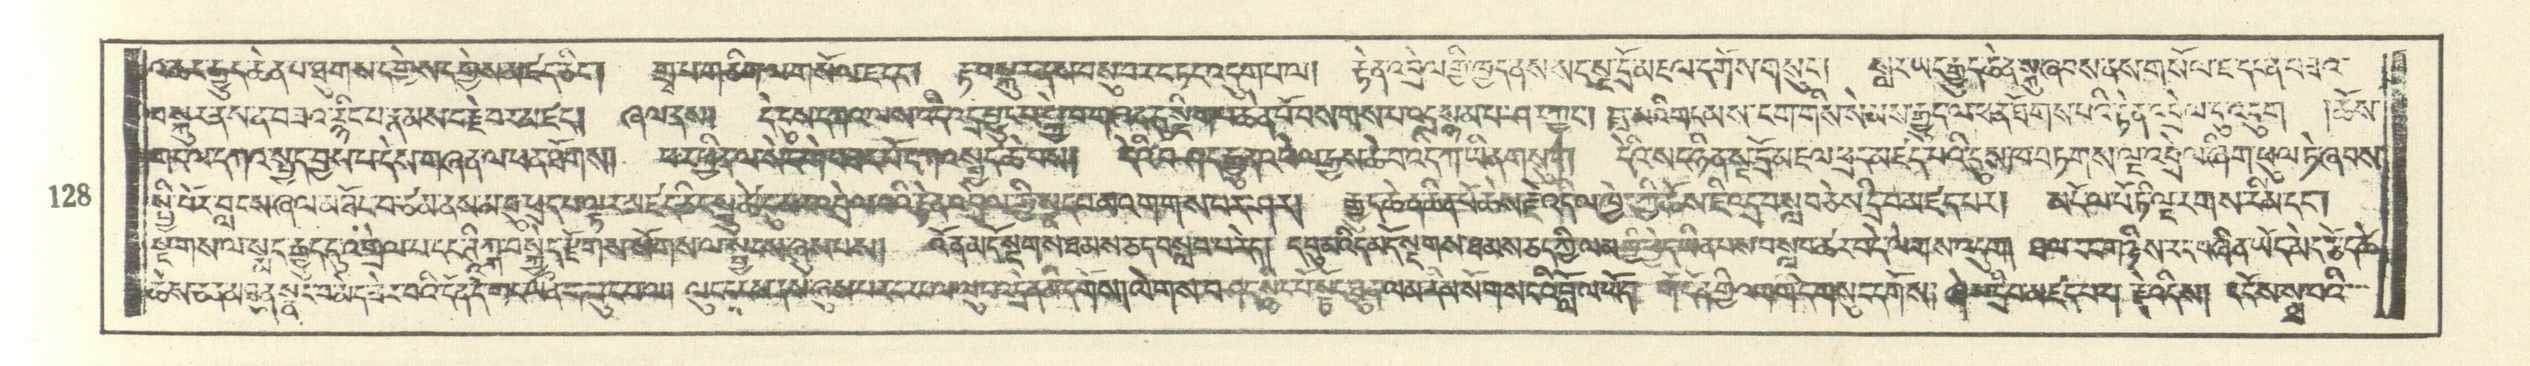འཆར་རྒྱུད་ཆེན་པ་ཐུགས་དགྱེས་དགྱེས་མཛད་ཅིང་། གྲྭ་པ་གཅིག་ལ་གསོལ་ཇ་དང་། རྟ་བསྐུར་ནས་བསུ་བར་བཏང་འདུག་པ་ལ། རྟེན་འབྲེལ་གྱི་ཁྱད་ནས་སང་སྔ་དྲོ་མཇལ་དགོས་གསུང་། སླར་ཡང་རྒྱུད་ཆེན་སྐུ་ཞབས་ནས་གསོལ་ཇ་དང་ན་བཟའ་
བསྐུར་ནས་ན་བཟའ་རྙིང་པ་རྣམས་བརྗེ་བར་མཛད། ཞལ་ནས། དེ་དུས་དཀའ་ལས་འདི་འདྲ་བྱུང་བ་སྐྱེ་བ་གཞན་དུ་སྡིག་པ་ཆེན་པོ་བསགས་པ་འདྲ་སྙམ་པ་ཤར་ཀྱང་། བླ་མའི་གདམས་ངག་གིས་སེམས་རྒྱུད་ལ་ཕན་ཐོགས་པའི་རྟེན་འབྲེལ་དུ་འདུག །ཆོས་
གང་ལ་དཀའ་སྤྱད་བྱས་པ་དེས་གཞན་ལ་ཕན་ཐོགས། ཕར་ཕྱིན་ལ་སེང་གེ་བཟང་པོ་དཀའ་སྤྱད་ཆེ་བས། དེའི་བཤད་རྒྱུན་འཕེལ་རྒྱས་ཆེ་བ་འདི་ཀ་ཡིན་གསུང་། དེའི་སང་ཉིན་སྔ་དྲོ་མཇལ་ཕྲད་མཛད་པའི་དུས་ཁ་བཏགས་ལྔ་འབྲེལ་ཞིག་ཕུལ་ཏེ་ཞབས་
སྤྱི་པོར་བླངས་ཞལ་མཐོང་བ་ཙམ་ནས་མ་བུ་ཕྲད་པ་ལྟར་མཛད་ཅིང་སྐུ་ཚེ་དུ་མར་འབྲེལ་བའི་རྟེན་འབྲེལ་གྱི་སྣད་བ་མ་འགགས་པར་ཤར། རྒྱུད་ཆེན་རིན་པོ་ཆེས་རྗེ་འདི་ལ་ཁྱེད་ཀྱིས་ཆོས་ཇི་འདྲ་བསླབ་ཅེས་དྲི་བ་མཛད་པར། མདོ་ལ་པོ་ཏི་ལྔ་རགས་རིམ་དང་།
སྔགས་ལ་སྨད་རྒྱུད་དུ་འགྲེལ་པ་དང་ཊཱིཀྐ་བསྐྱེད་རྫོགས་སོགས་ལ་སྦྱངས་ཞུས་པས། འོ་ན་མདོ་སྔགས་ཐམས་ཅད་བསླབ་པ་རེད། དབུ་མ་འདི་མདོ་སྔགས་ཐམས་ཅད་ཀྱི་ལམ་གྱི་ཕྱེད་ཡིན་པས་བསླབ་ཚར་བདེ་ལེགས་འདུག། ཐལ་རང་གཉིས་རང་བཞིན་ཡོད་མེད་རྩོད་ཚེ་
ཆོས་ཅན་མཐུན་སྣང་བ་མེད་ཟེར་བའི་དོན་དེ་གང་ཡིན་གསུང་བ་ལ། ལུང་དྲངས་ནས་ཞུས་པར་ང་རང་ལ་ལུང་འདྲེན་མི་དགོས། ལེགས་བཤད་སྙིང་པོ་སྟོང་ཐུན་ལམ་རིམ་སོགས་པའི་བློ་ལ་ཡོང་། གོ་དོན་གྱི་འགག་དེ་གསུང་དགོས། ཞེས་དྲི་བ་མཛད་པར། རྗེ་འདིས། དངོས་སྨྲ་བའི་